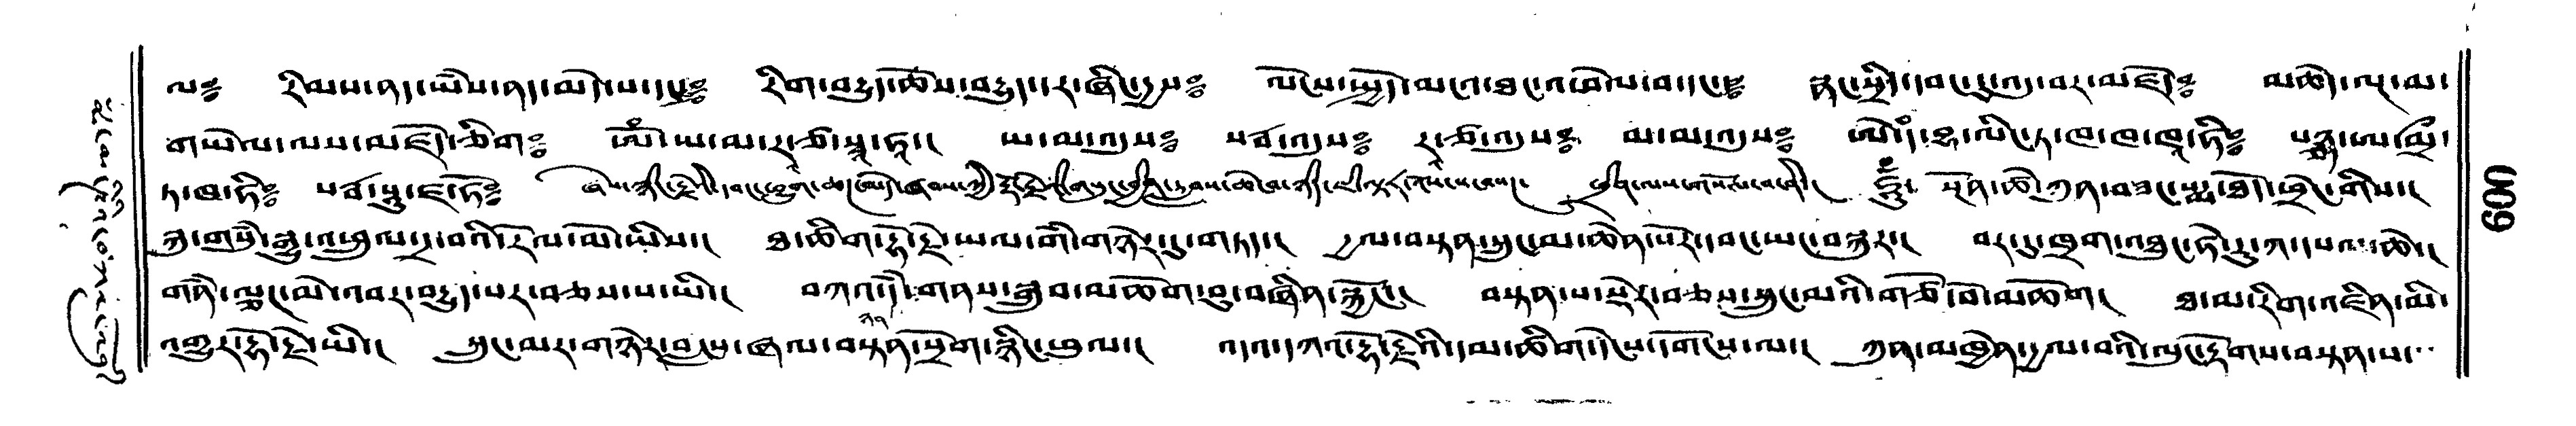ལ། །རིམས་ནད་ཡམས་ནད་མེད་པ་དང་། རིགས་བརྒྱུད་ཆོས་བརྒྱུད་དར་ཞིང་རྒྱས། །ལོངས་སྤྱོད་མངའ་ཐང་འཕེལ་བ་དང་། །སྣང་སྲིད་དབང་དུ་འདུ་བར་མཛོད། །མཆེད་ལྔ་མ་
གཡེལ་ལས་མཛོད་ཅིག །ཨོཾ་ཡ་མ་རཱ་ཙ་སྭ་ཧཱ། ཡ་མ་འདུསཿ སརྦ་འདུསཿ རཱ་ཙ་འདུསཿ མ་མ་འདུསཿ ཨི་དཾ་བྷ་ལིང་ཏ་ཁ་ཁ་ཁཱ་ཧིཿ པཉྩ་ཨ་མྲྀ་
ཏ་ཁ་ཧིཿ སརྦ་པཱུ་ཛ་ཧོཿ ཞེས་སྙིང་རྗེའི་དབང་ཕྱུག་ཆགས་མེད་ཞབས་ཀྱི་རྡོ་རྗེའི་གསུང་བྱིན་རླབས་ཆེ་བ་ཉིད་ཇི་ལྟར་འོས་པ་བསག ཕྲིན་ལས་གསོལ་བ་ནི། ཧཱུྃ། སྔོན་ཚེ་ཀུན་བཟང་པདྨ་ཐོད་ཕྲེང་གིས། །
སྐུ་གསུམ་སྒྱུ་འཕྲུལ་དྲྭ་བའི་རོལ་མོ་ཡིས། །ཐ་ཚིག་རྡོ་རྗེ་ཡལ་གམ་གཉེར་དུ་གཏད། །རྒྱལ་བསྟན་སྲུང་མ་ཆེན་པོར་དབང་ཡང་བསྐུར། །བར་དུ་ཁྲག་འཐུང་ཧེ་རུ་ཀ་དཔལ་ཆེ། །
གནམ་ལྕགས་མེ་འབར་བརྒྱུད་པར་བཅས་པ་ཡི། །བཀའ་ཉན་དམ་གནས་སྒྲུབ་མཆོག་བུ་བཞིན་སྐྱོང་། །བསྟན་པ་སྡེར་བཅས་སྲུང་མའི་གཙོ་བོ་མཆོག།ཐ་མ་རིག་འཛིན་མི་
འགྱུར་རྡོ་རྗེ་ཡིས། སྲུང་མར་གཉེར་བླངས་ཞལ་བསྟན་སྲོག་སྙིང་ཕུལ། །འདའ་དཀའ་རྡོ་རྗེའི་དམ་ཚིག་དེང་དགོངས་ལ། །ཀུན་མཁྱེན་རྒྱལ་བའི་ལུང་རྟོགས་བསྟན་པ་